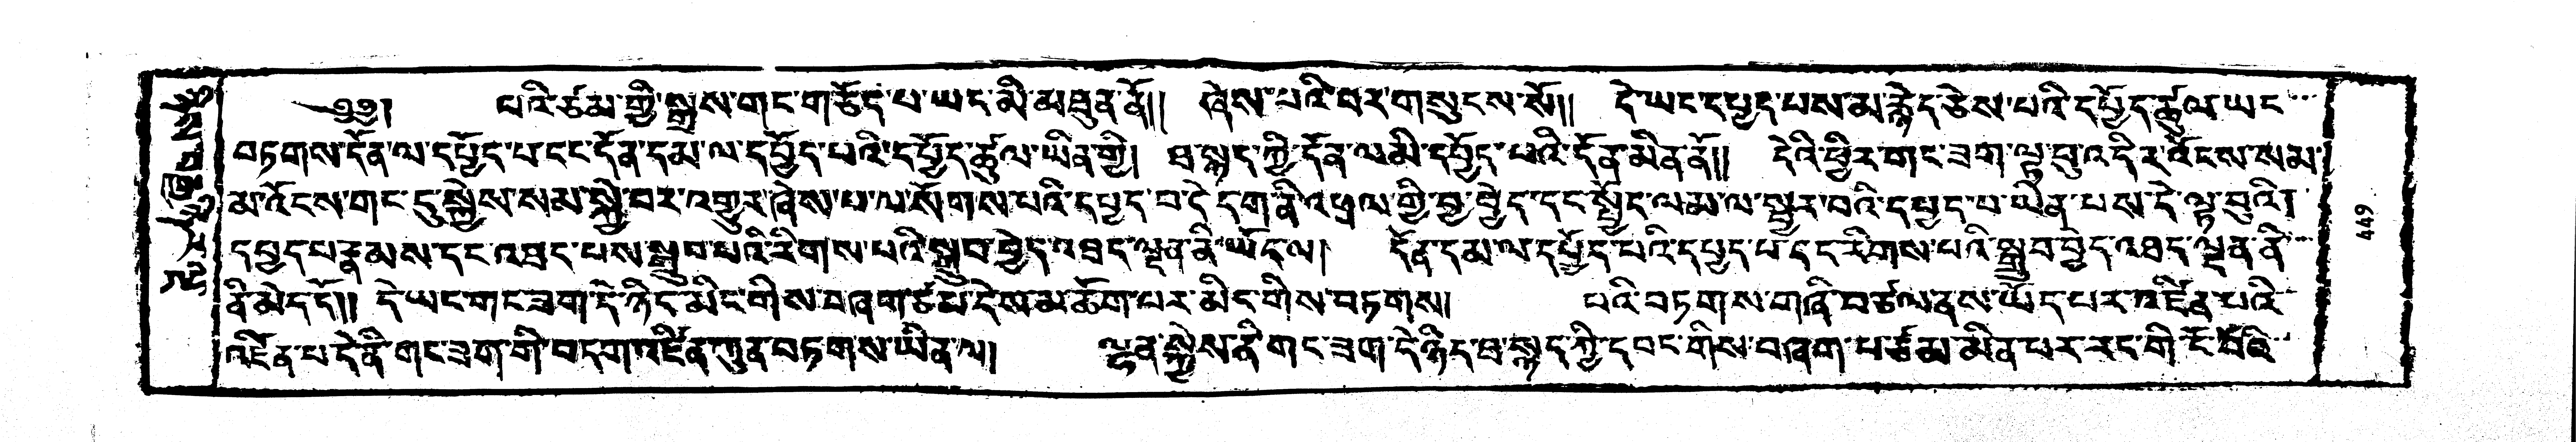༄༅། །པའི་ཙམ་གྱི་སྒྲས་གང་གཅོད་པ་ཡང་མི་མཐུན་ནོ།། ཞེས་པའི་བར་གསུངས་སོ།། དེ་ཡང་དཔྱད་པས་མ་རྙེད་ཅེས་པའི་དཔྱོད་ཚུལ་ཡང་
བཏགས་དོན་ལ་དཔྱོད་པ་དང་དོན་དམ་ལ་དཔྱོད་པའི་དཔྱོད་ཚུལ་ཡིན་གྱི། ཐ་སྙད་ཀྱི་དོན་ལ་མི་དཔྱོད་པའི་དོན་མིན་ནོ།། དེའི་ཕྱིར་གང་ཟག་ལྟ་བུ་འདིར་འོངས་སམ་
མ་འོངས་གང་དུ་སྐྱེས་སམ་སྐྱེ་བར་འགྱུར་ཞེས་པ་ལ་སོགས་པའི་དཔྱད་པ་དེ་དག་ནི་འཕྲལ་གྱི་བྱ་བྱེད་དང་སྤྱོད་ལམ་ལ་སྦྱར་བའི་དཔྱད་པ་ཡིན་པས་དེ་ལྟ་བུའི།
དཔྱད་པ་རྣམས་དང་འཐད་པས་སྒྲུབ་པའི་རིགས་པའི་སྒྲུབ་བྱེད་འཐད་ལྡན་ནི་ཡོད་ལ། དོན་དམ་ལ་དཔྱོད་པའི་དཔྱད་པ་དང་རིགས་པའི་སྒྲུབ་བྱེད་འཐད་ལྡན་ནི་
ནི་མེད་དོ།། དེ་ཡང་གང་ཟག་དེ་ཉིད་མིང་གིས་བཞག་ཙམ་དེས་མ་ཆོག་པར་མིང་གིས་བཏགས། པའི་བཏགས་གཞི་བཙལ་ནས་ཡོད་པར་འཛིན་པའི་
འཛིན་པ་དེ་ནི་གང་ཟག་གི་བདག་འཛིན་ཀུན་བཏགས་ཡིན་ལ། ལྷན་སྐྱེས་ནི་གང་ཟག་དེ་ཉིད་ཐ་སྙད་ཀྱི་དབང་གིས་བཞག་པ་ཙམ་མིན་པར་རང་གི་ངོ་བོའི་